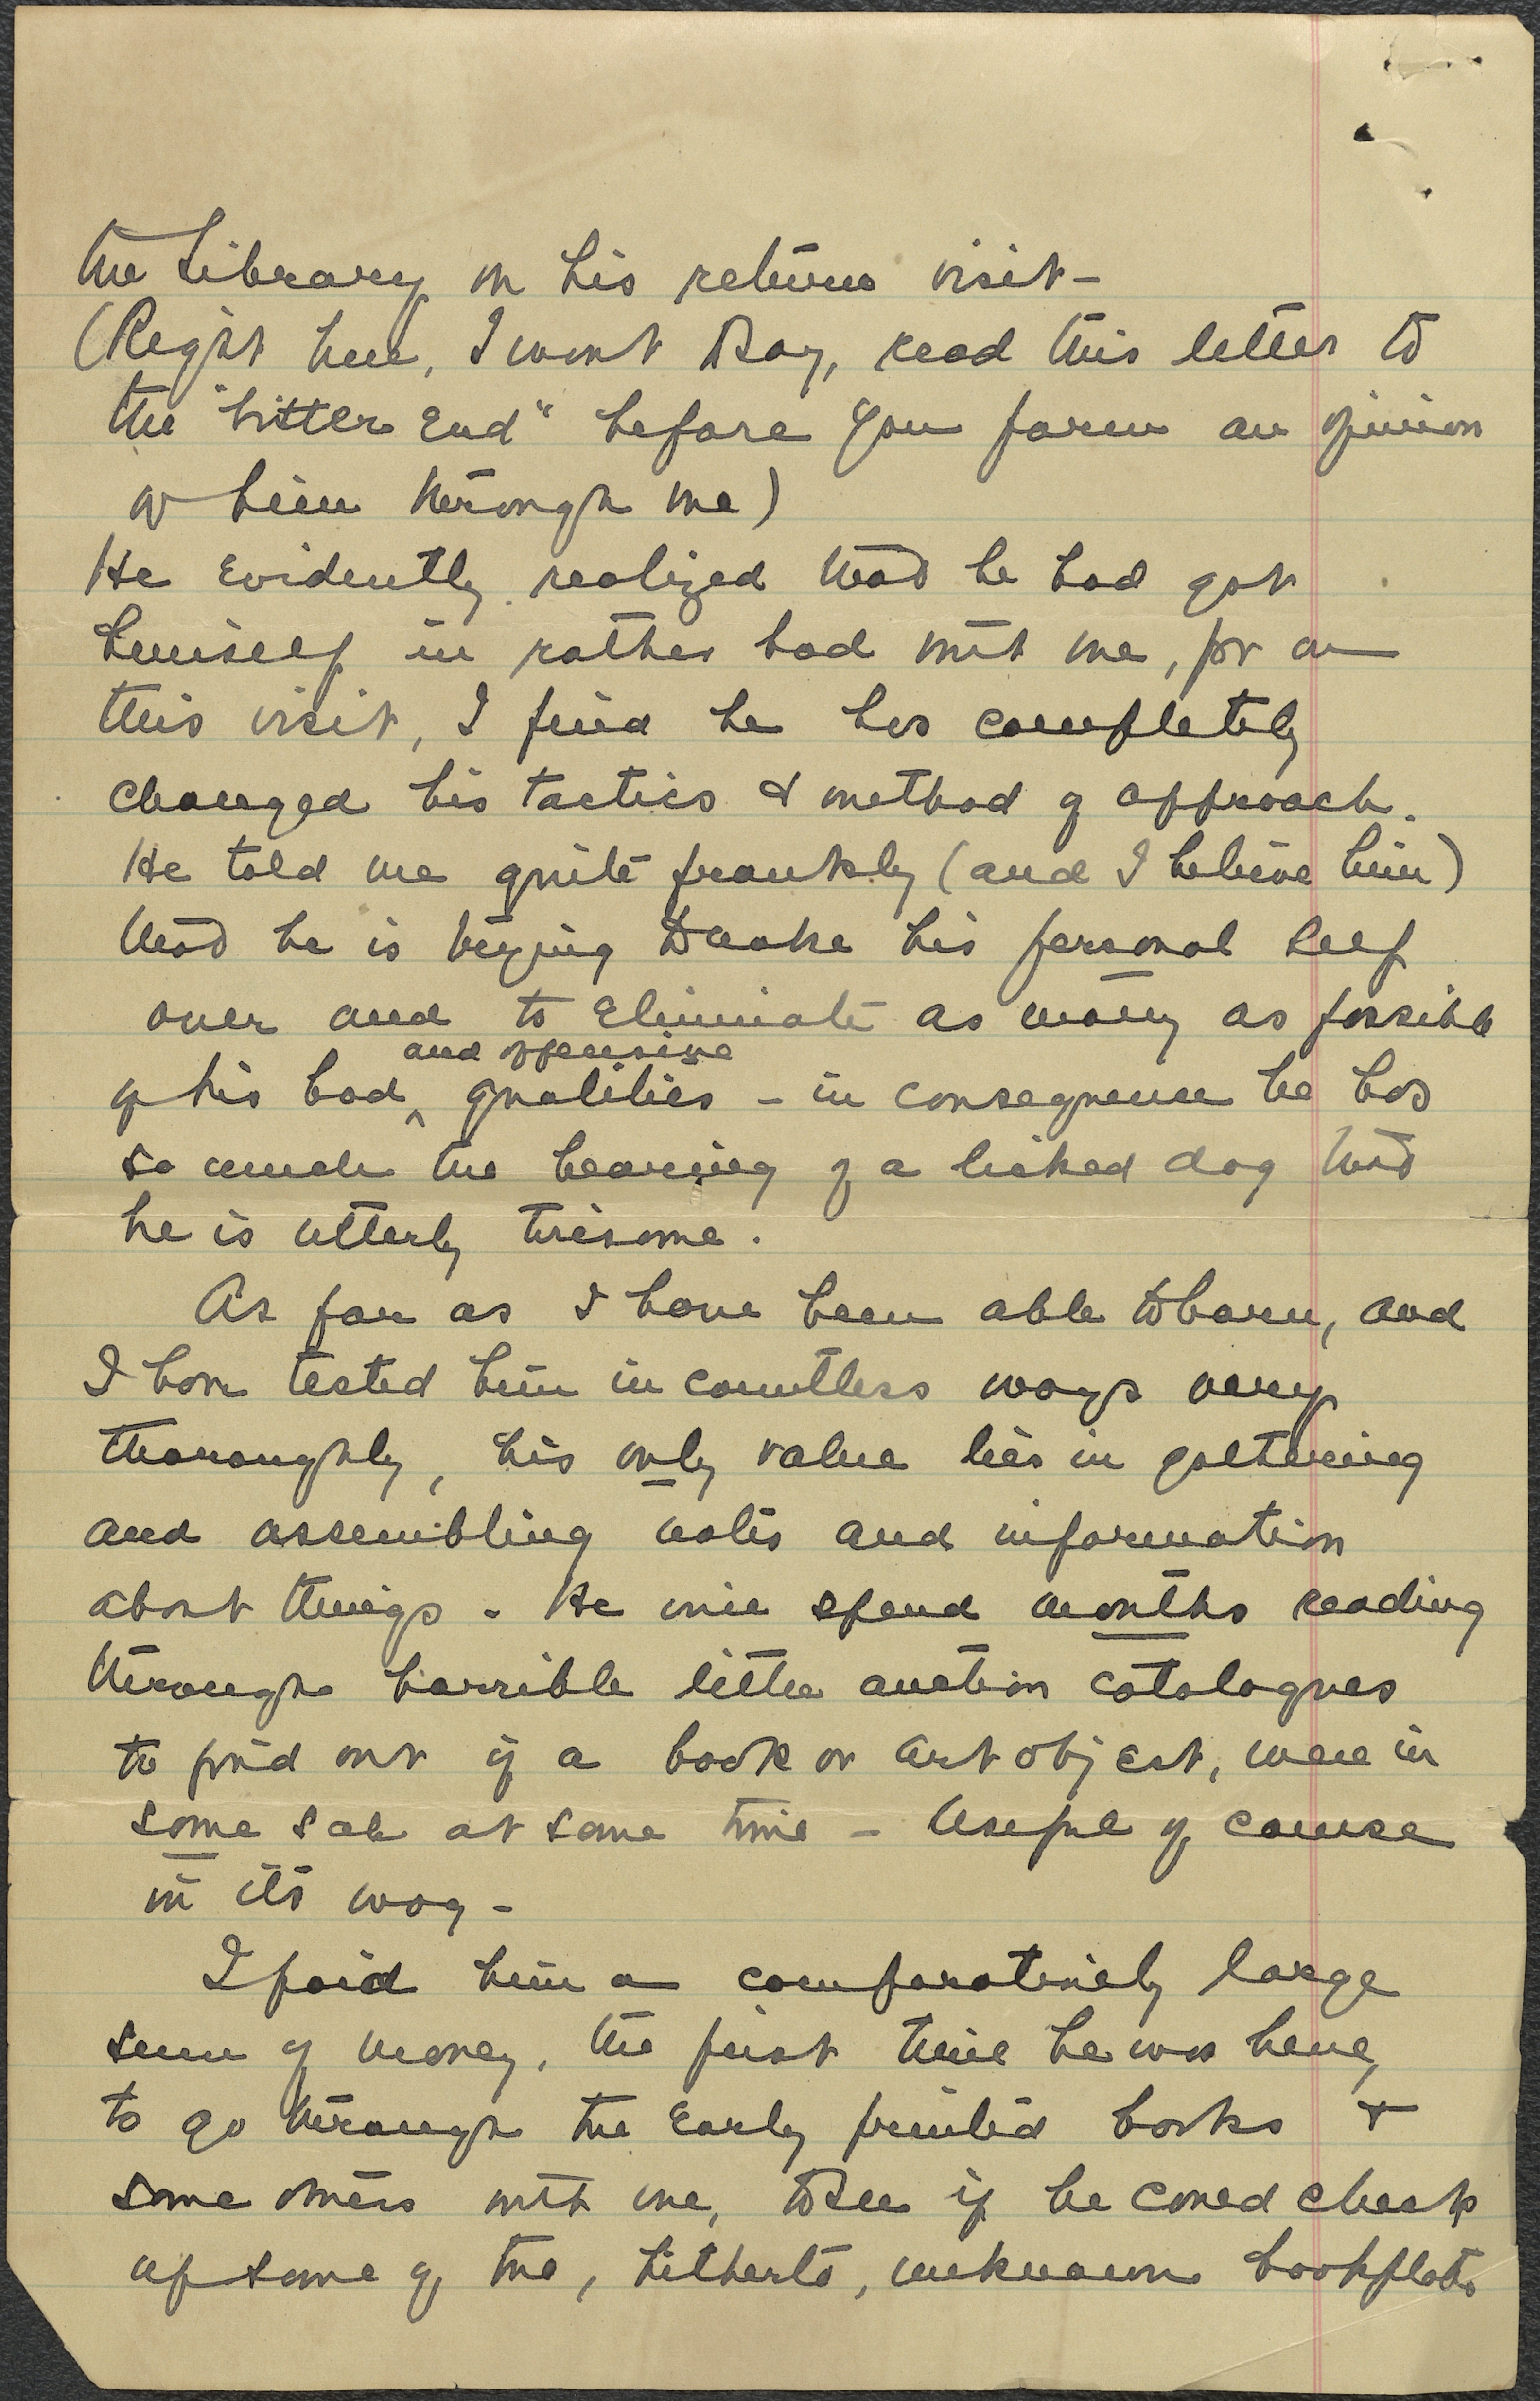the Library on his return visit –
(Right here, I want to say, read this letter to the "bitter end" before you form an opinion on him through me)
He evidently realized that he had got himself in rather bad with me, for on this visit, I find he has completely changed his tactics & method of approach. He told me quite frankly (and I believe him) that he is trying to make his personal self over and to eliminate as many as possible of his bad [^and offensive^] qualities – in consequence he has so much the bearing of licked dog that he is utterly tiresome.
As far as I have been able to learn, and I have tested him in countless ways very thoroughly, his only value lies in gathering and assembling notes and information about things. He will spend months reading through horrible little auction catalogues to find out if a book or art object, were in some sale at some sale at some time – Useful of course in its way.
I paid him a comparatively large sum of money, the first time he was here, to go through the early printed books & some others with me, to see if he could check up some of the, hitherto, unknown bookplates